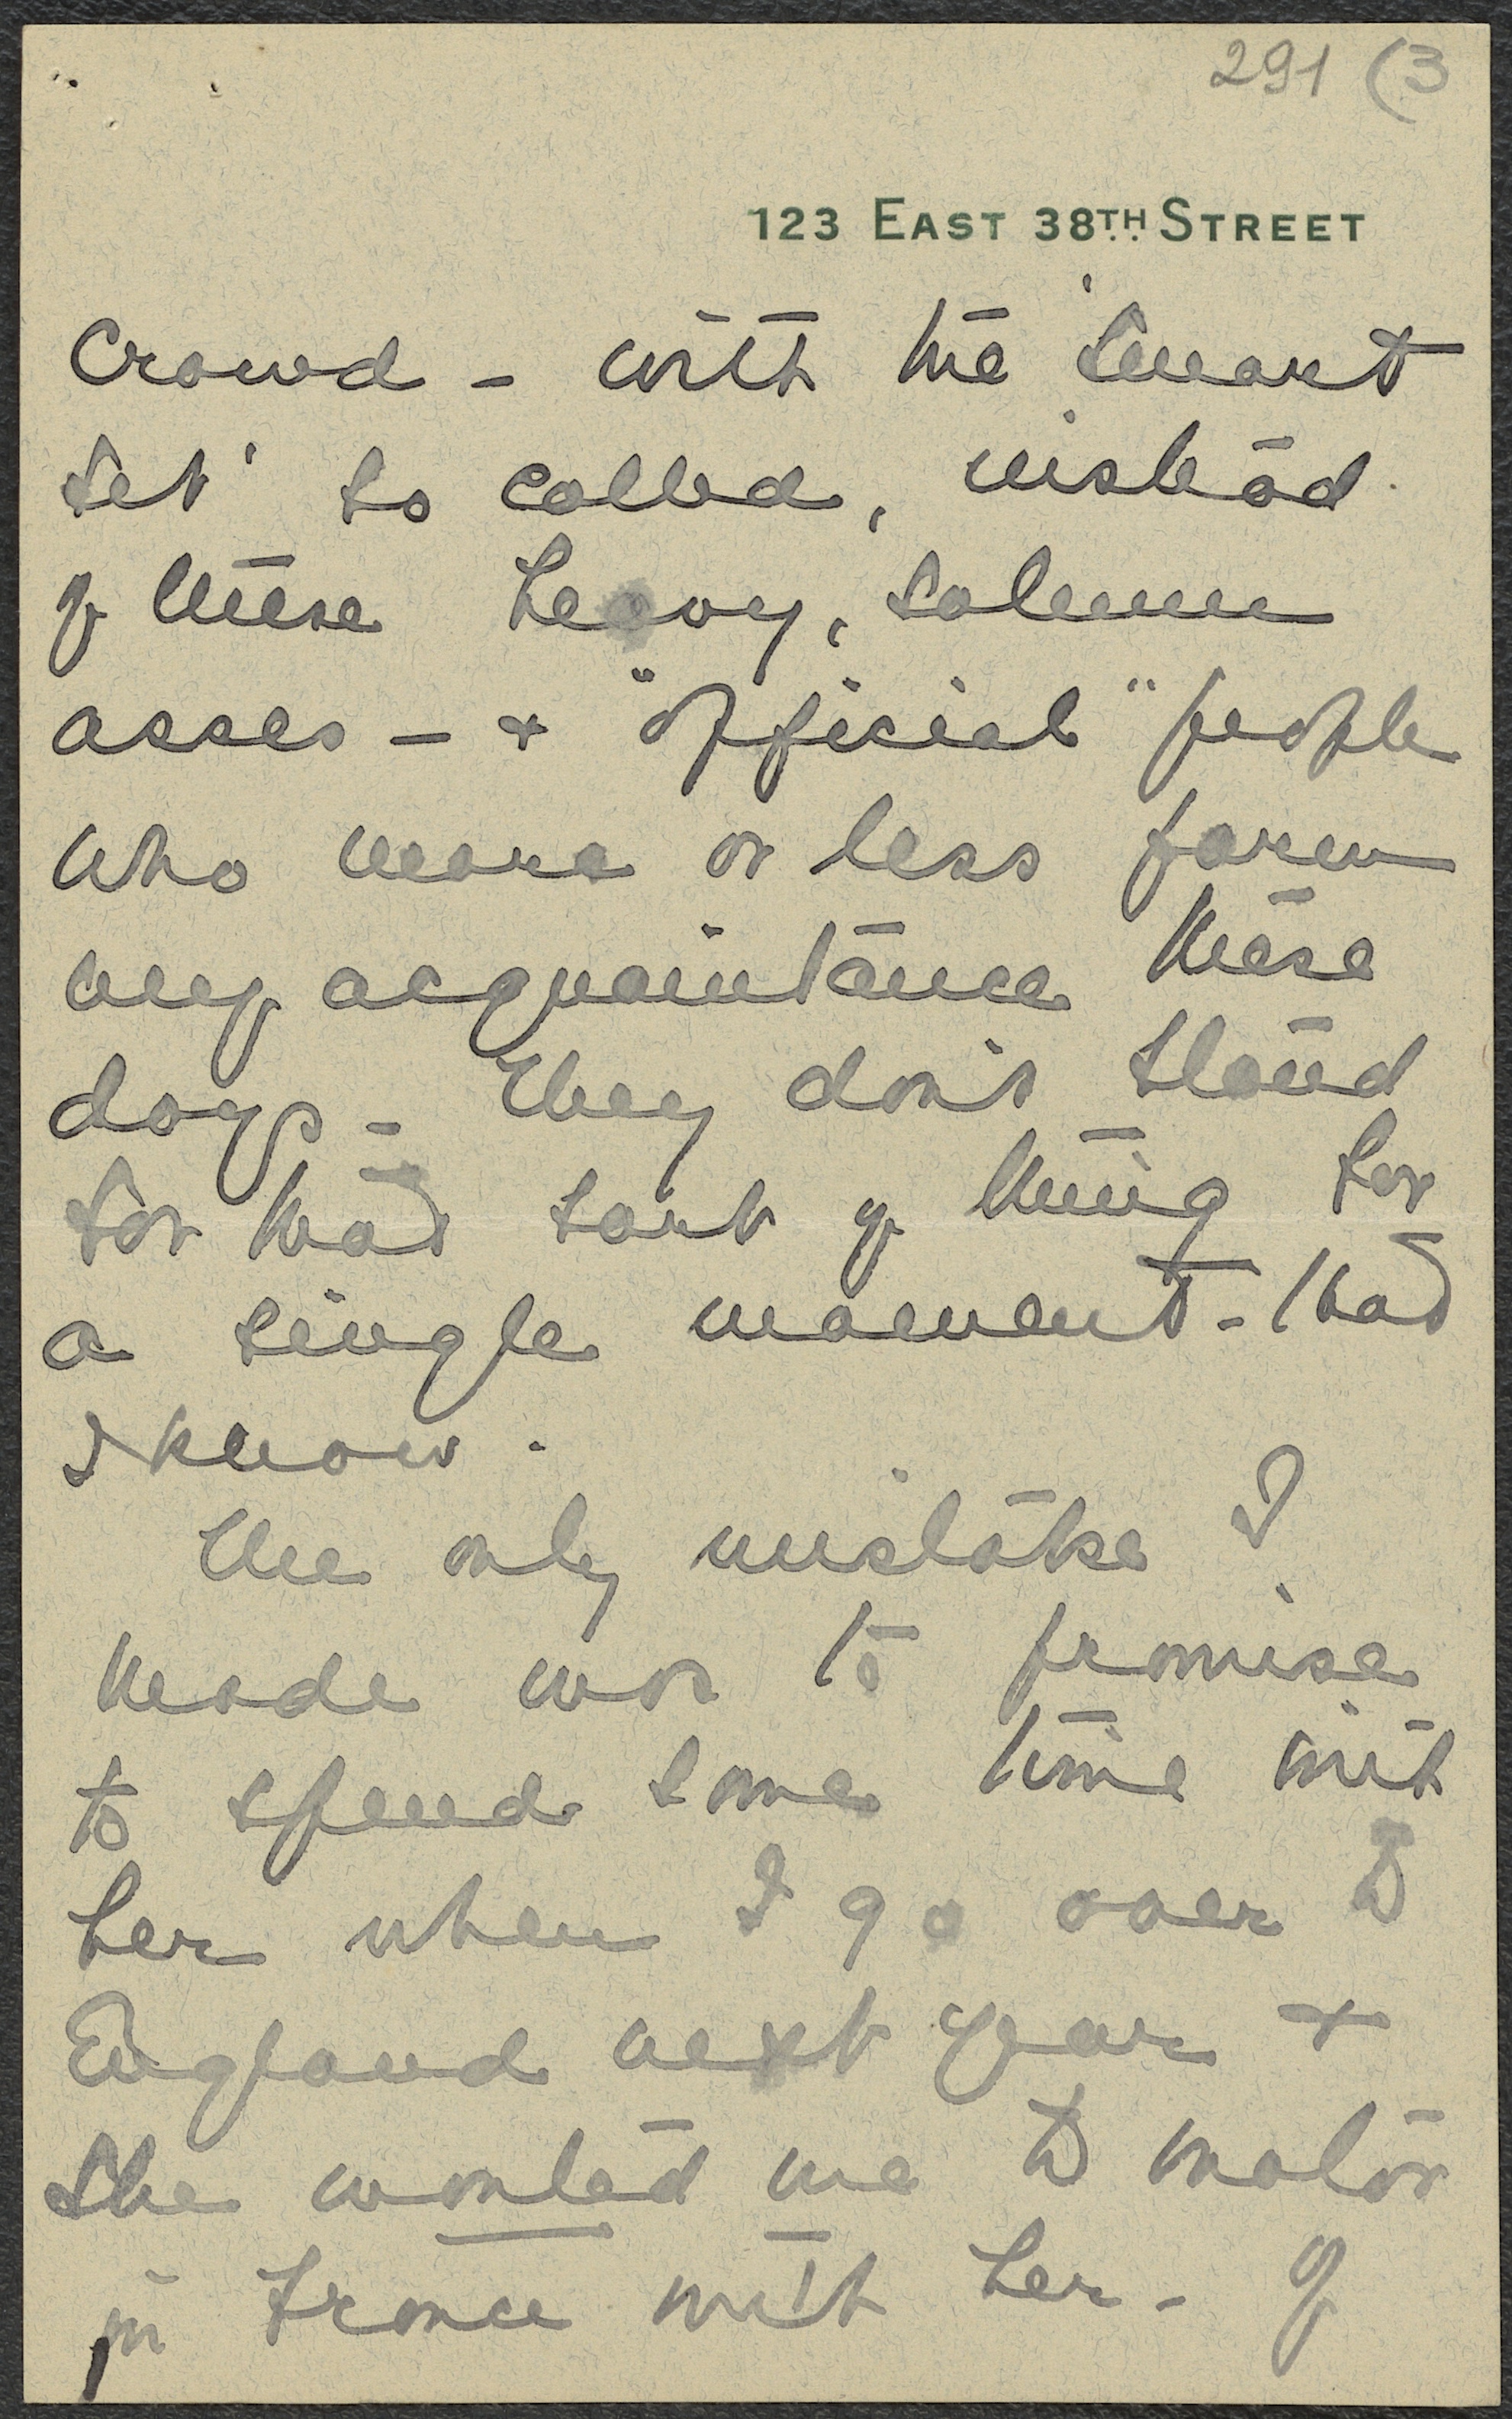crowd – with the ‘smart set’ so called, instead of these heavy, solemn asses – & “official” people who more or less form my acquaintance these days – They don’t stand for that sort of thing for a single moment – that I know.
The only mistake I made was to promise to spend some time with her when I go over to England next year & she wanted me to motor in France with her – of